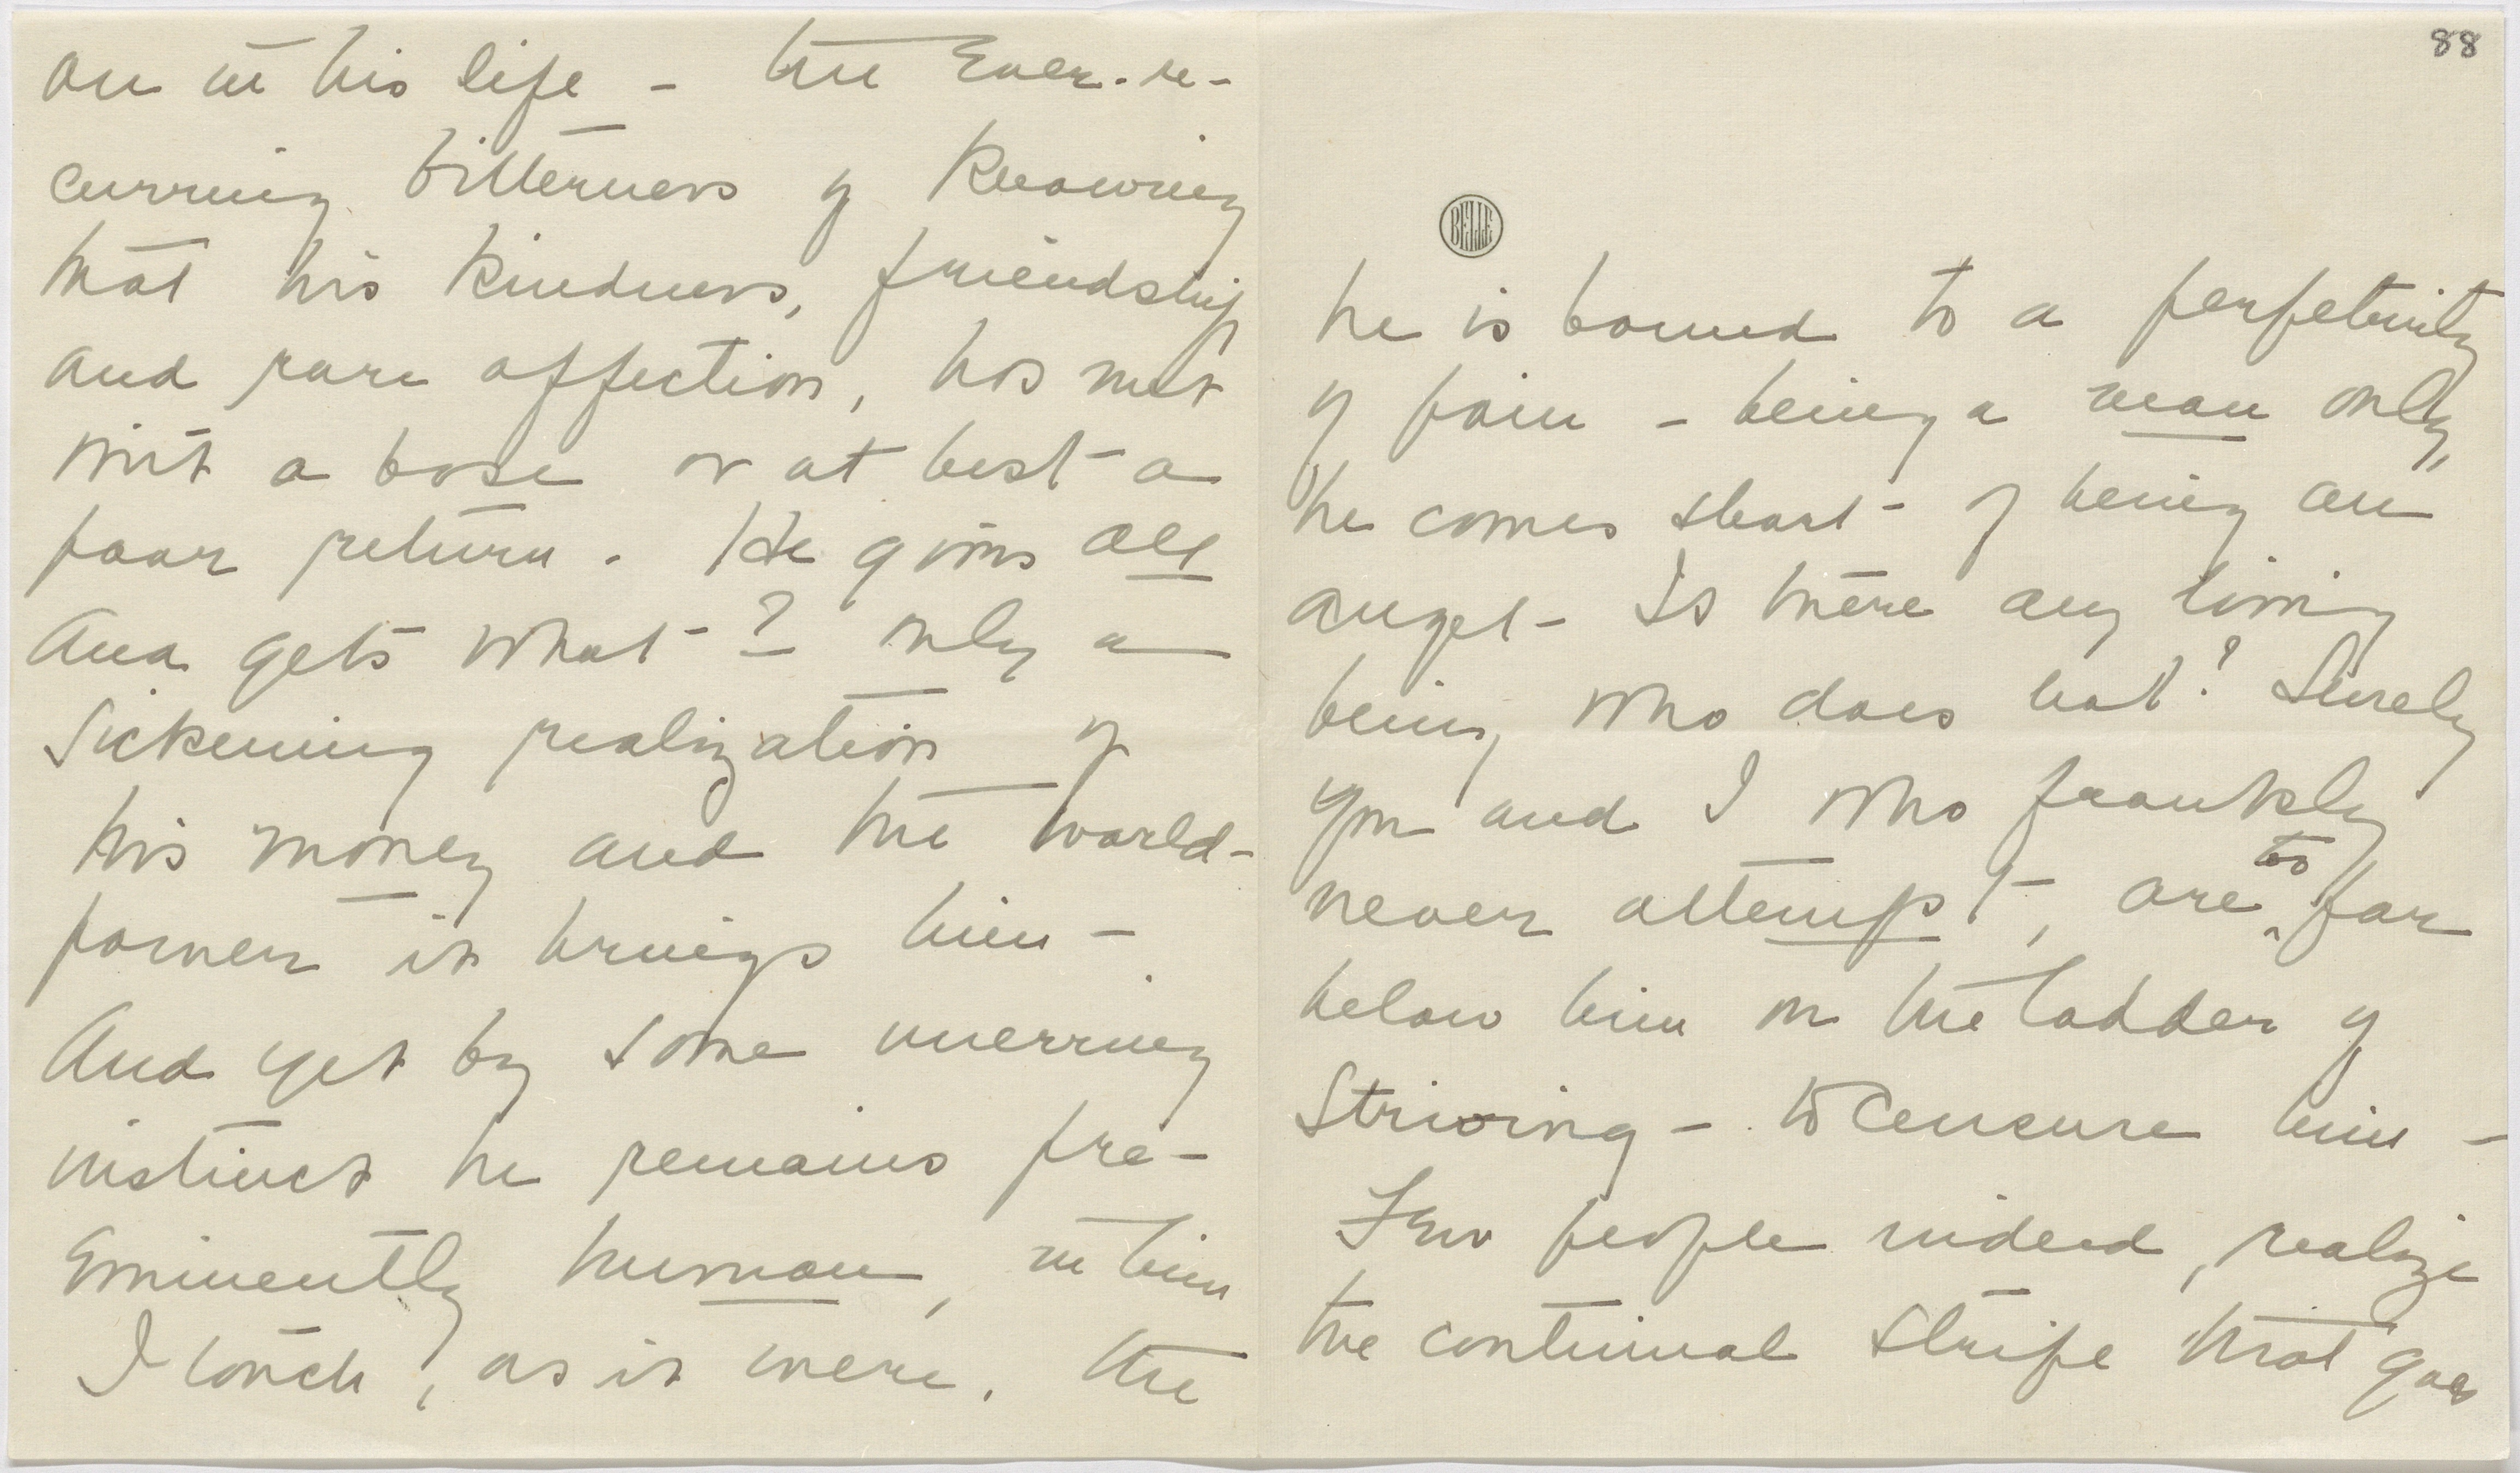he is bound to a perpetuity of pain – being a man only, he comes short of being an angel – Is there any living being who does not? Surely you and I who frankly never attempt, are ˆtooˆ far below him on the ladder of striving – to censure him – Few people indeed, realize the continual strife that goes
on in his life – the ever-recurring bitterness of knowing that his kindness, friendship and rare affection, has met with a base or at best a poor return. He gives all and gets what? only a sickening realization of his money and the world-power it brings him – And yet by some unerring instinct he remains preeminently human, in him I touch, as it were, the